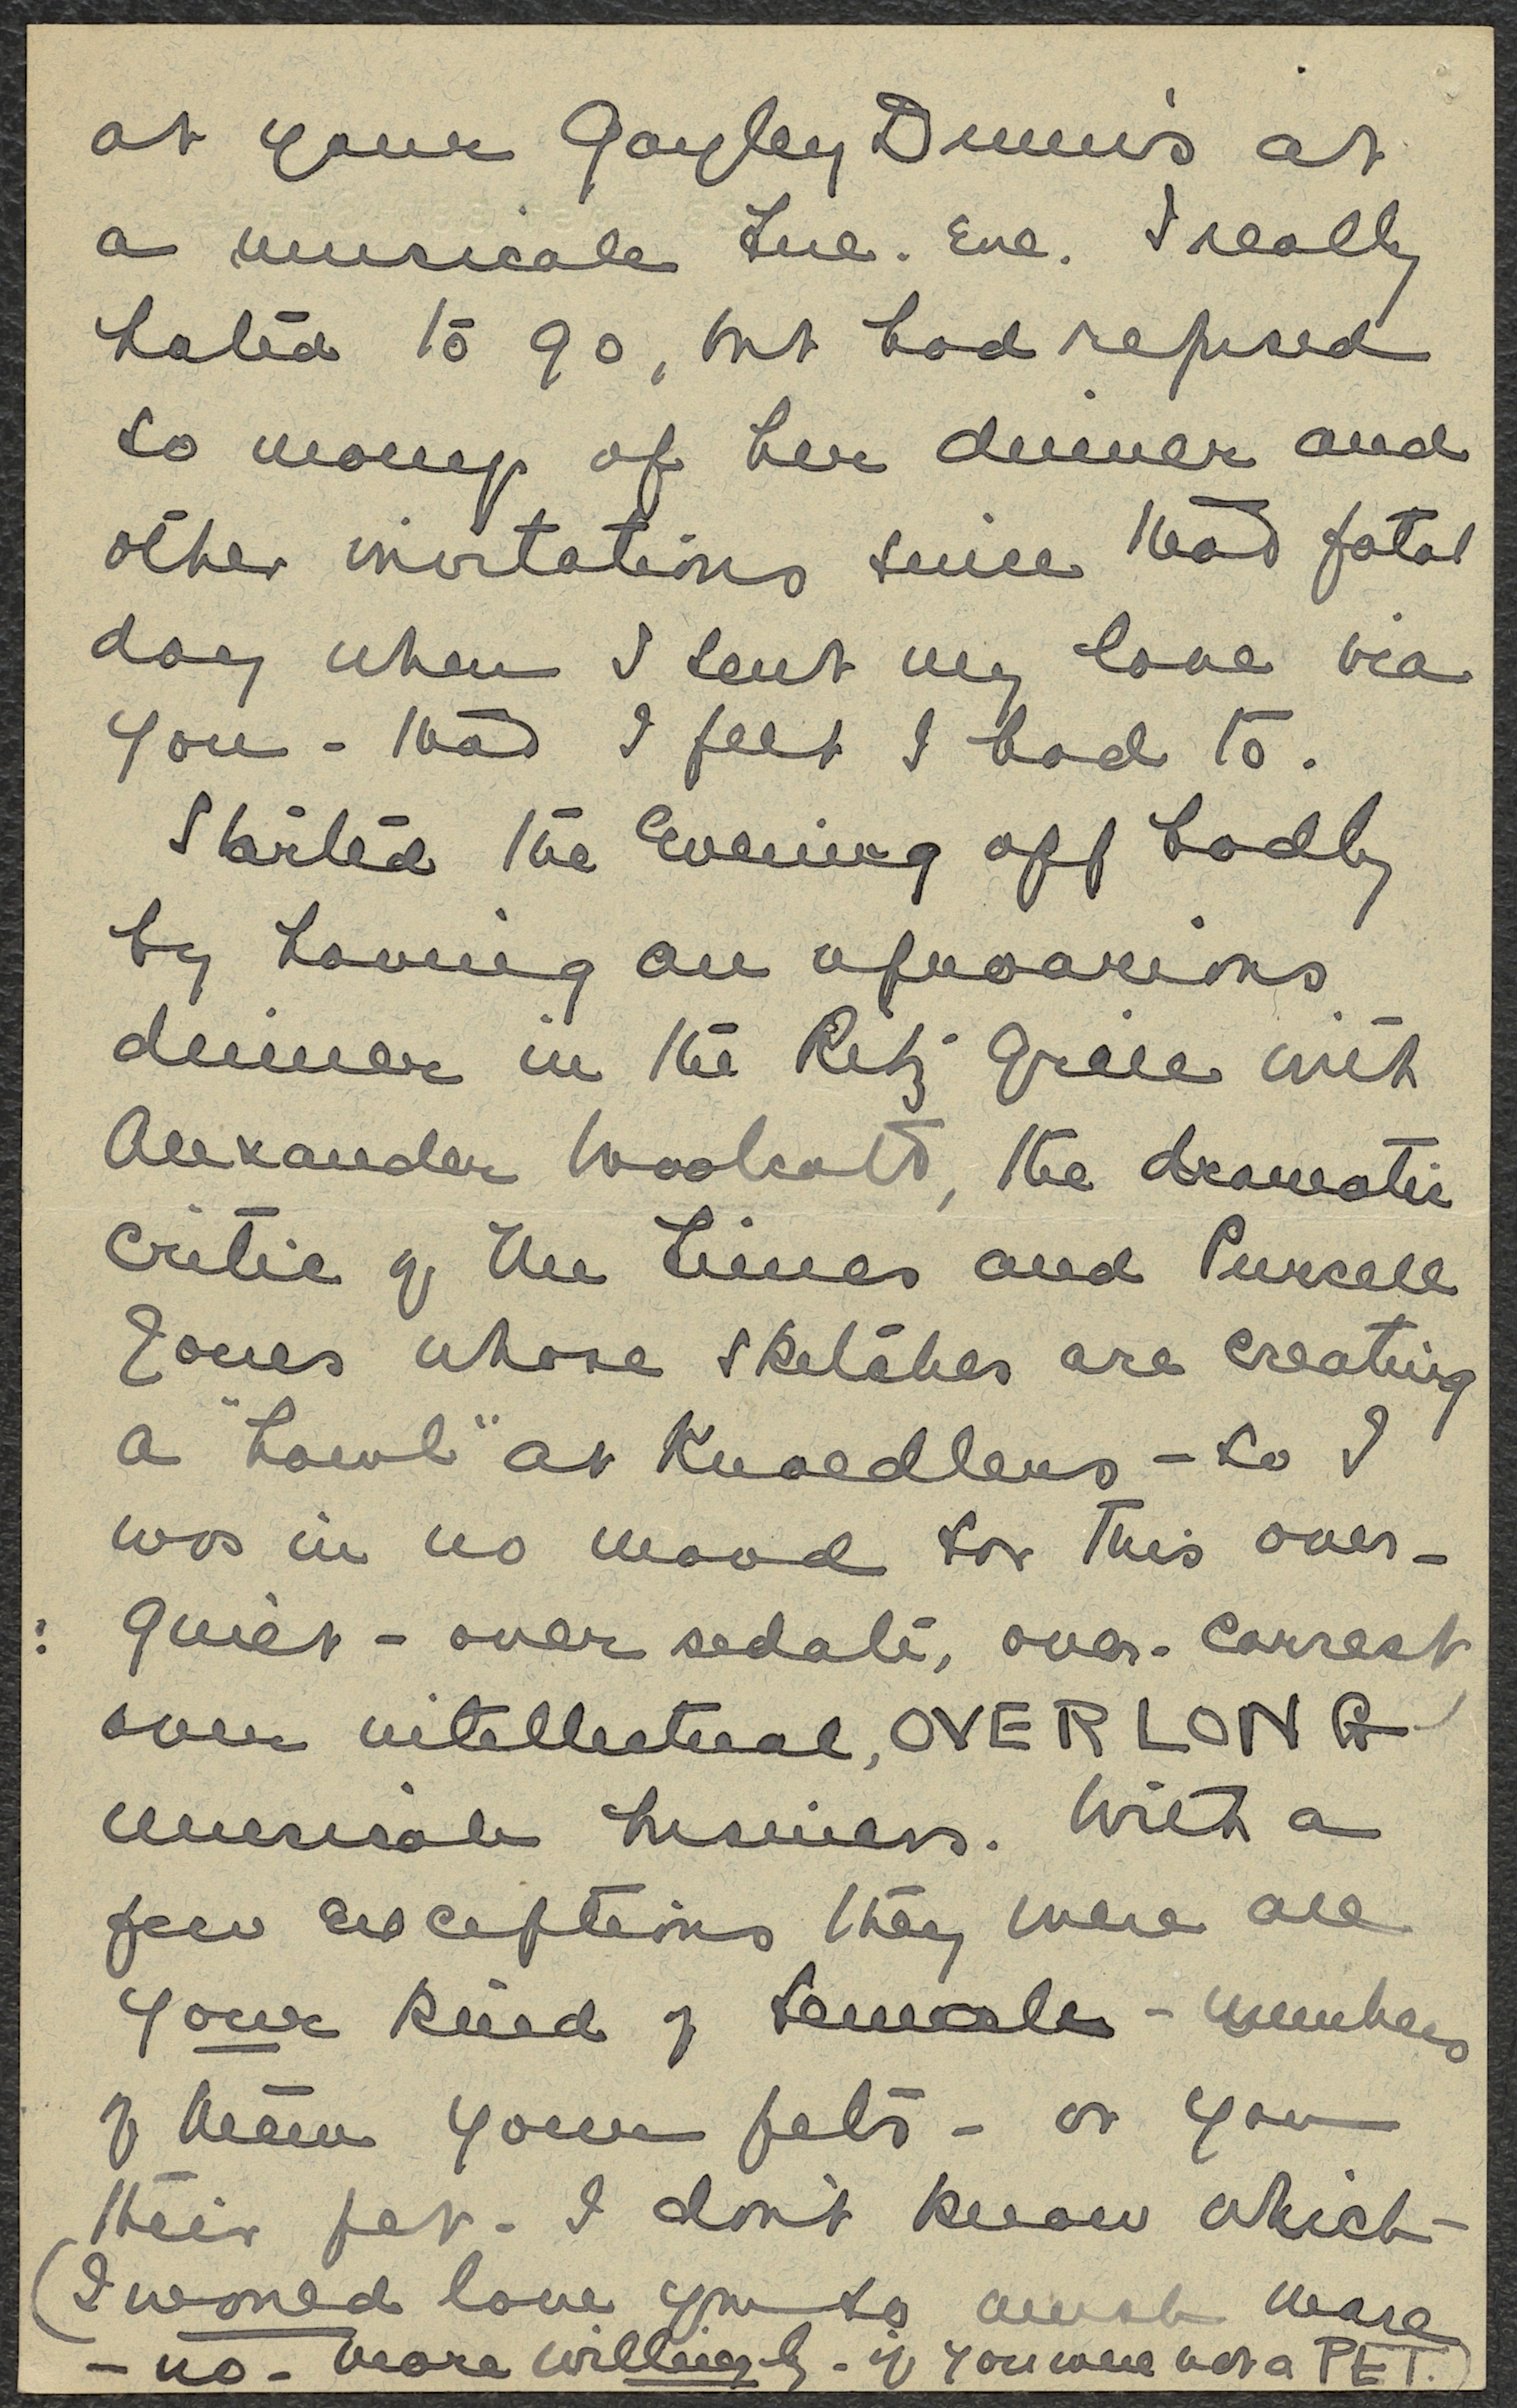at your Gayley Dunns’s at a musicale Tue. eve. I really hated to go, but had refused so many of her dinner and other invitations since that fatal day when I sent my love via you – that I felt I had to – Started the evening off badly by having an uproarious dinner in the Ritz Grill with Alexander Woolcott, the dramatic critic of the Limes and Purcell Jones whose sketches are creating a “howl” at Knoedlers – so I was in no mood for this over-quiet – over sedate, over-correct over intellectual, [in print: OVERLONG] musicale business. With a few exceptions they were all your kind of females – numbers of them your pets – or you their pets – I don’t know which – (I would love you so much more – no – more willingly – if you were not a [in print: PET]!)